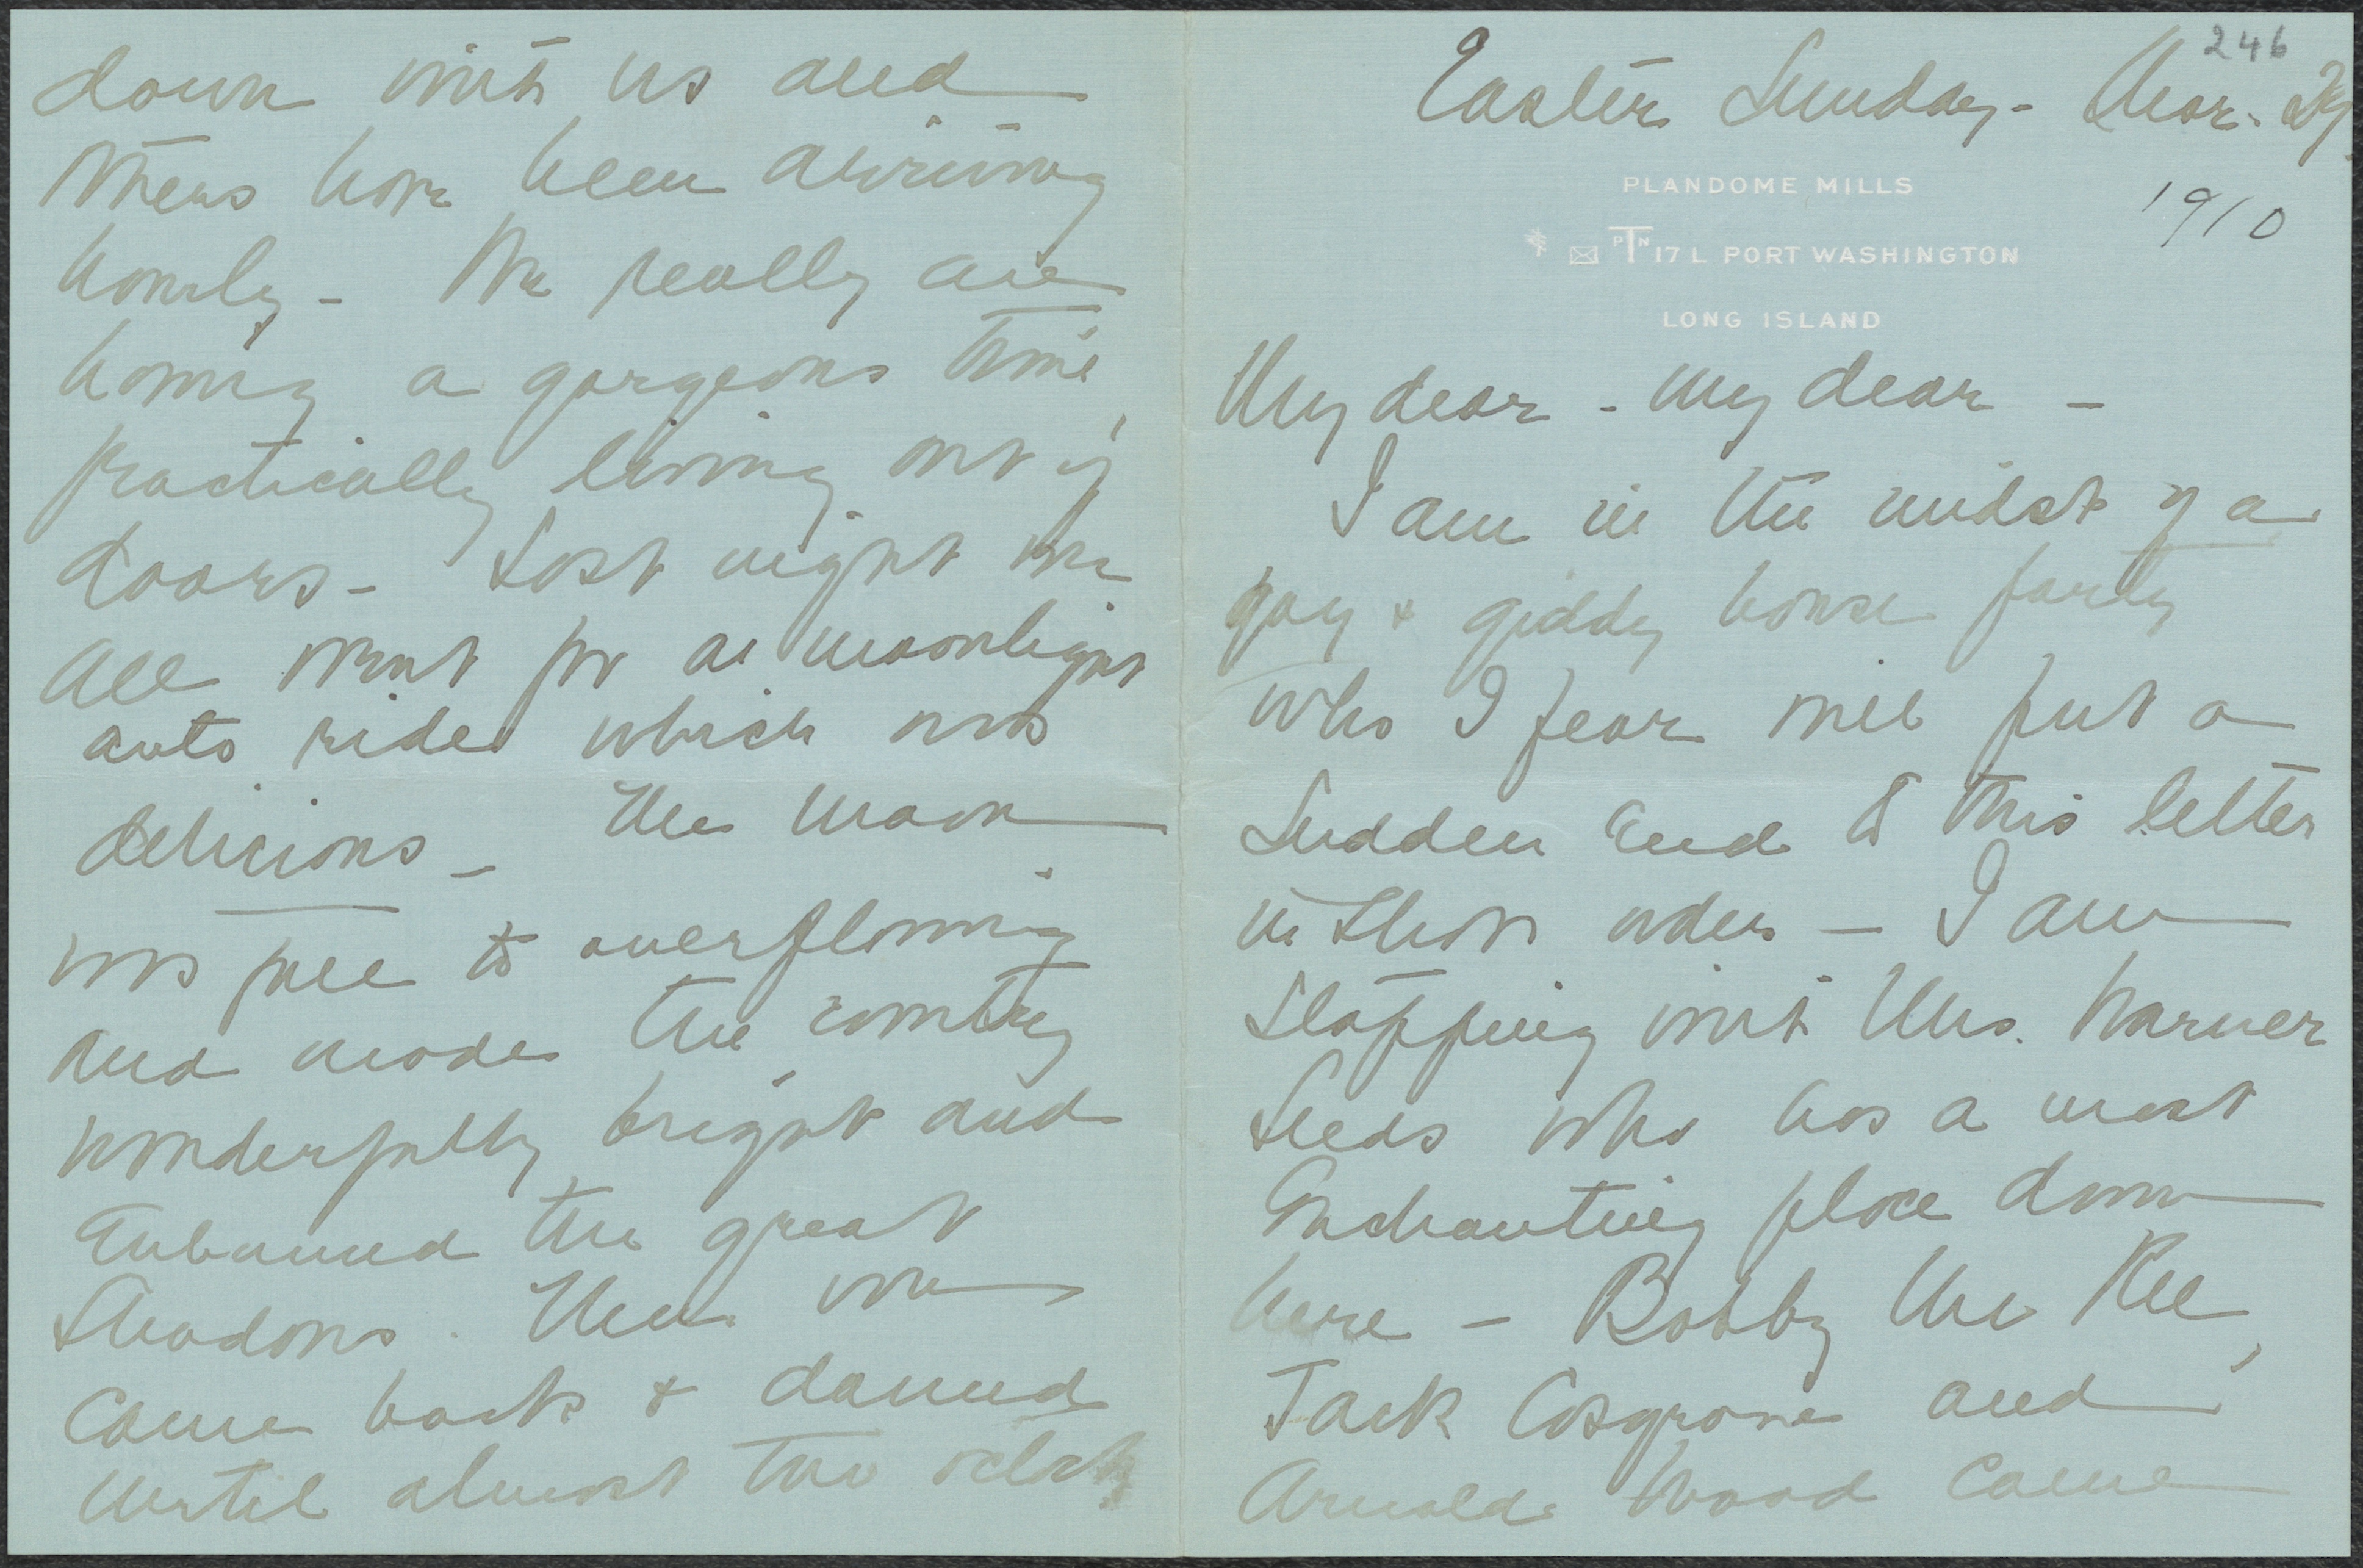Easter Sunday – Mar. 27
My dear – my dear –
I am in the midst of a gay & giddy house party who I fear will put a sudden end to this letter in short order – I am stopping with Mrs. Warner Leeds who has a most enchanting place down here – Bobby McKee, Jack Cosgrave and Arnold Wood came
down with us and others have been arriving hourly – We really are having a gorgeous time practically living out of doors – Last night we all went for a moonlight auto ride which was delicious – The moon was full to overflowing and made the country wonderfully bright and enhanced the great shadows. Then we came back & danced until almost two o’clock